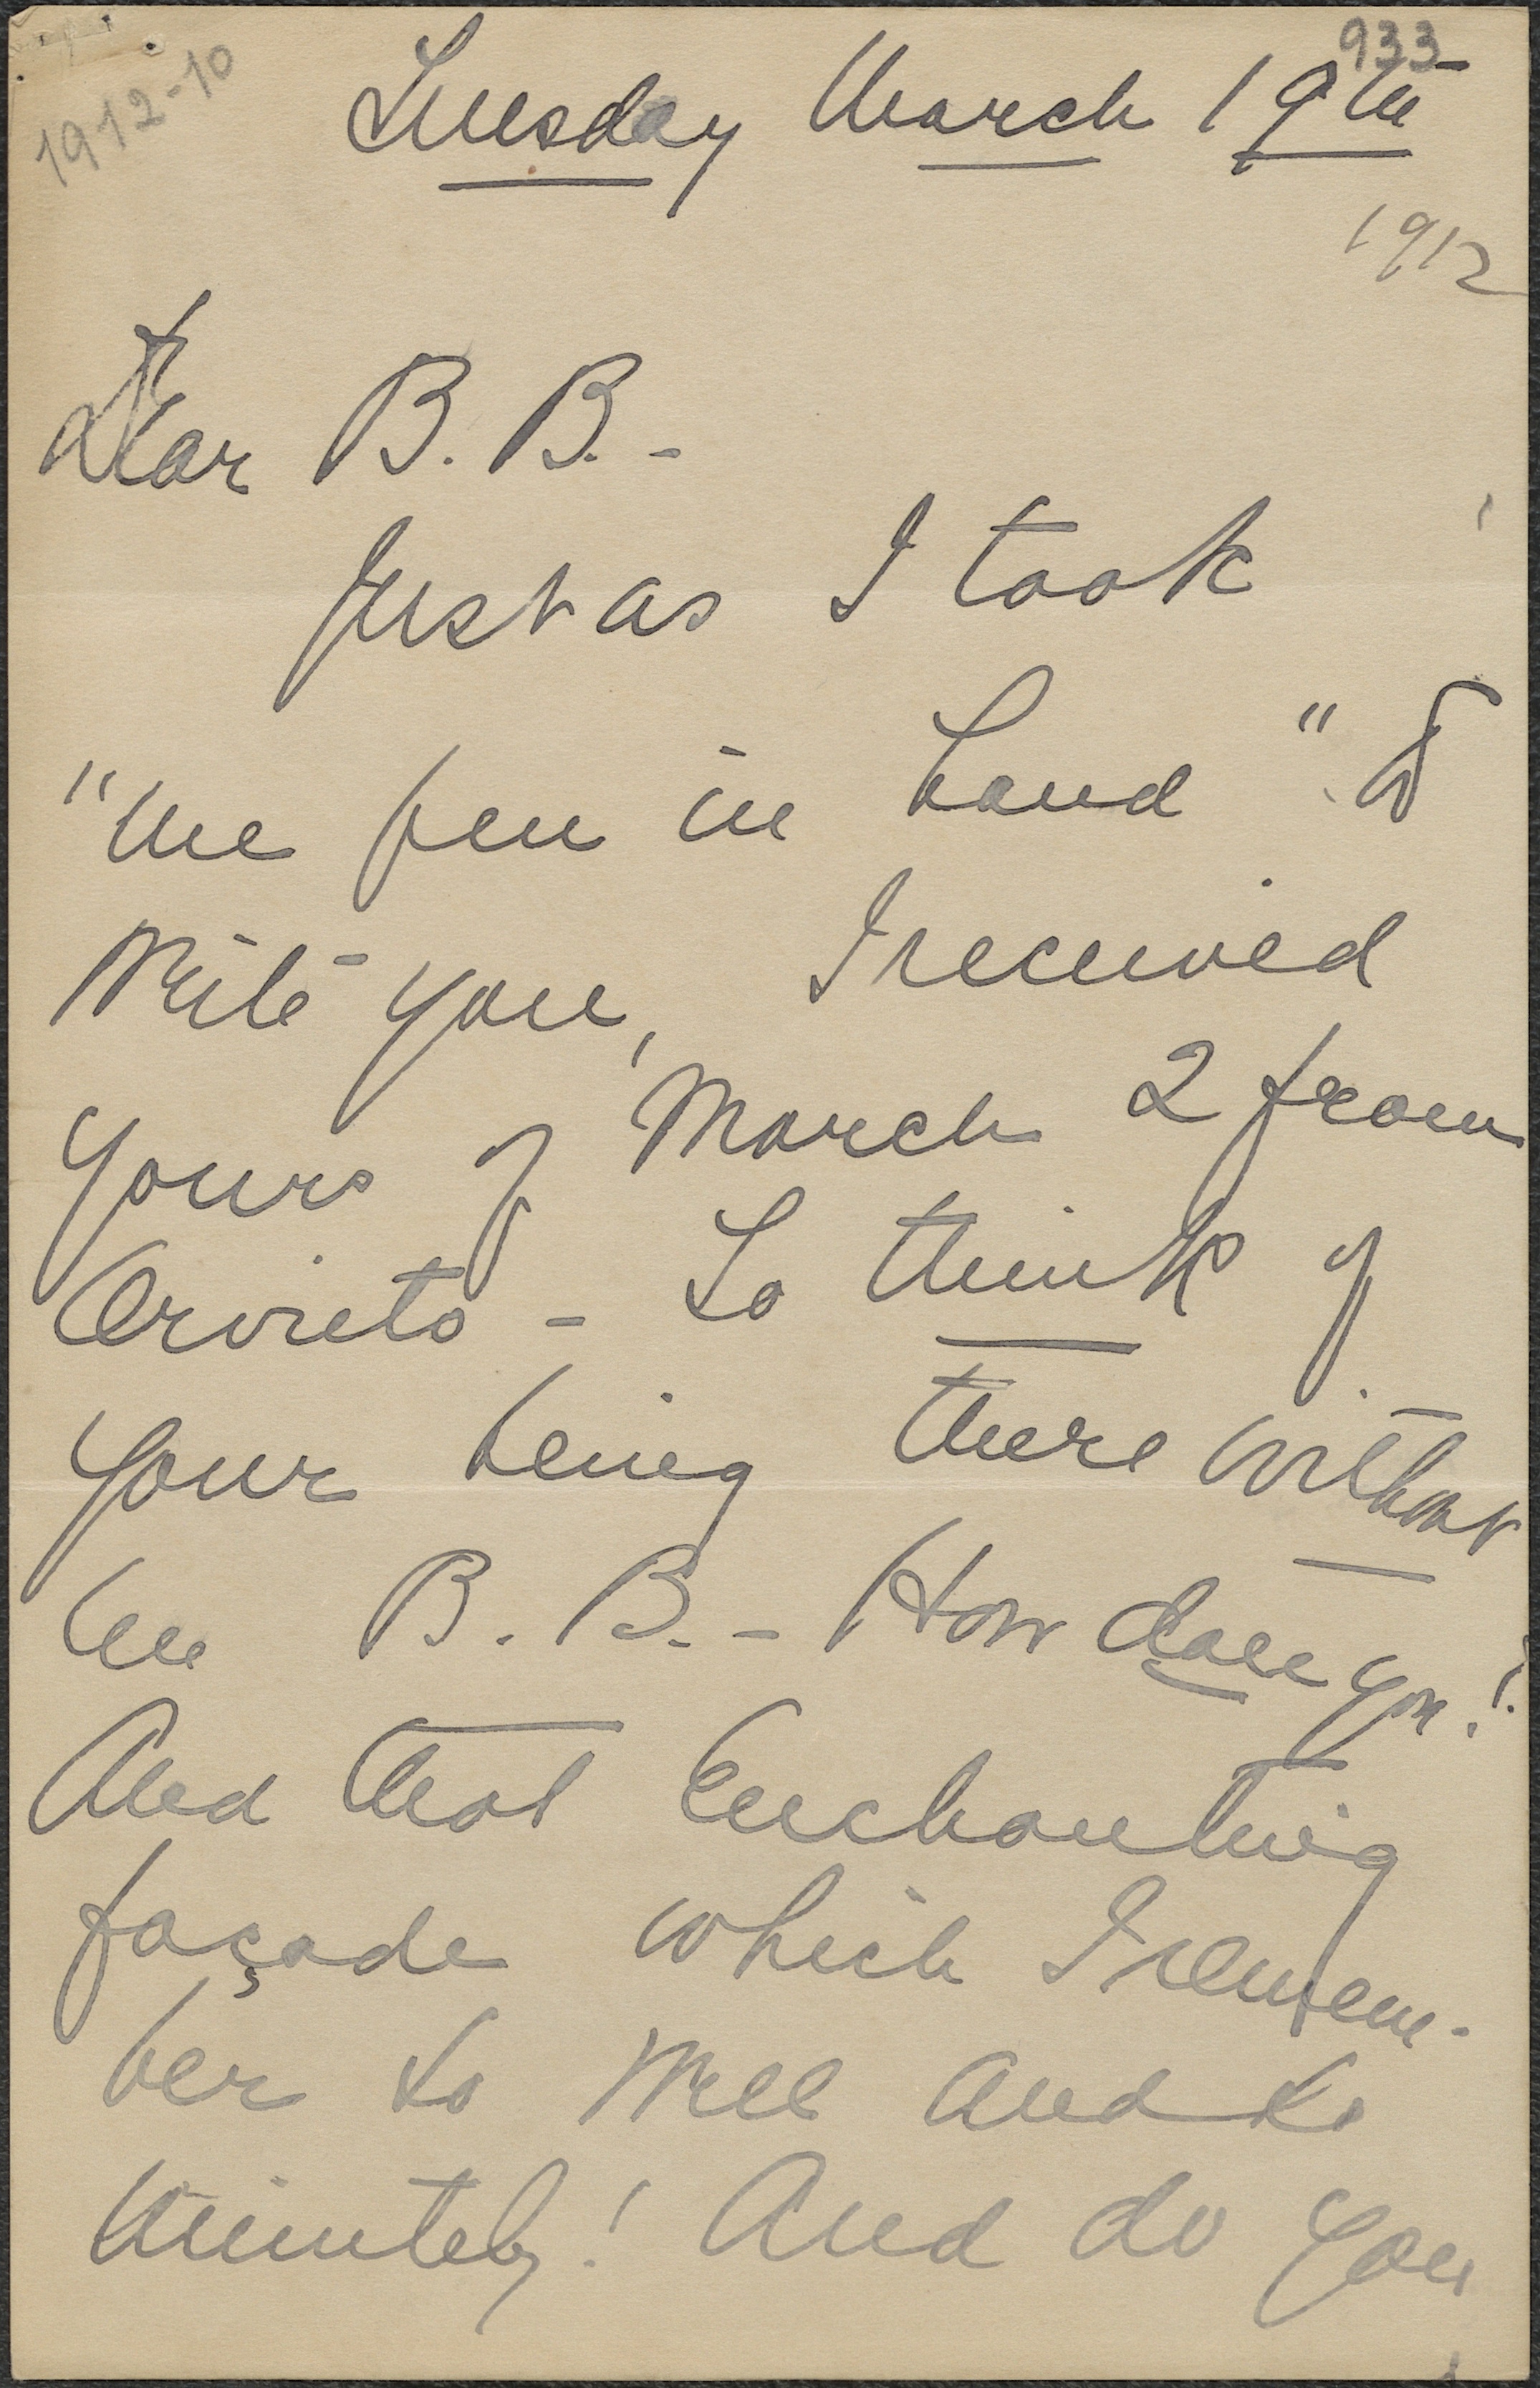Tuesday March 19th
Dear B. B. –
Just as I took “me pen in hand” to write you, I received yours of March 2 from Orvieto – To think of your being there without me B. B. – How dare you! And that enchanting façade which I remember so well and so minutely! And do you